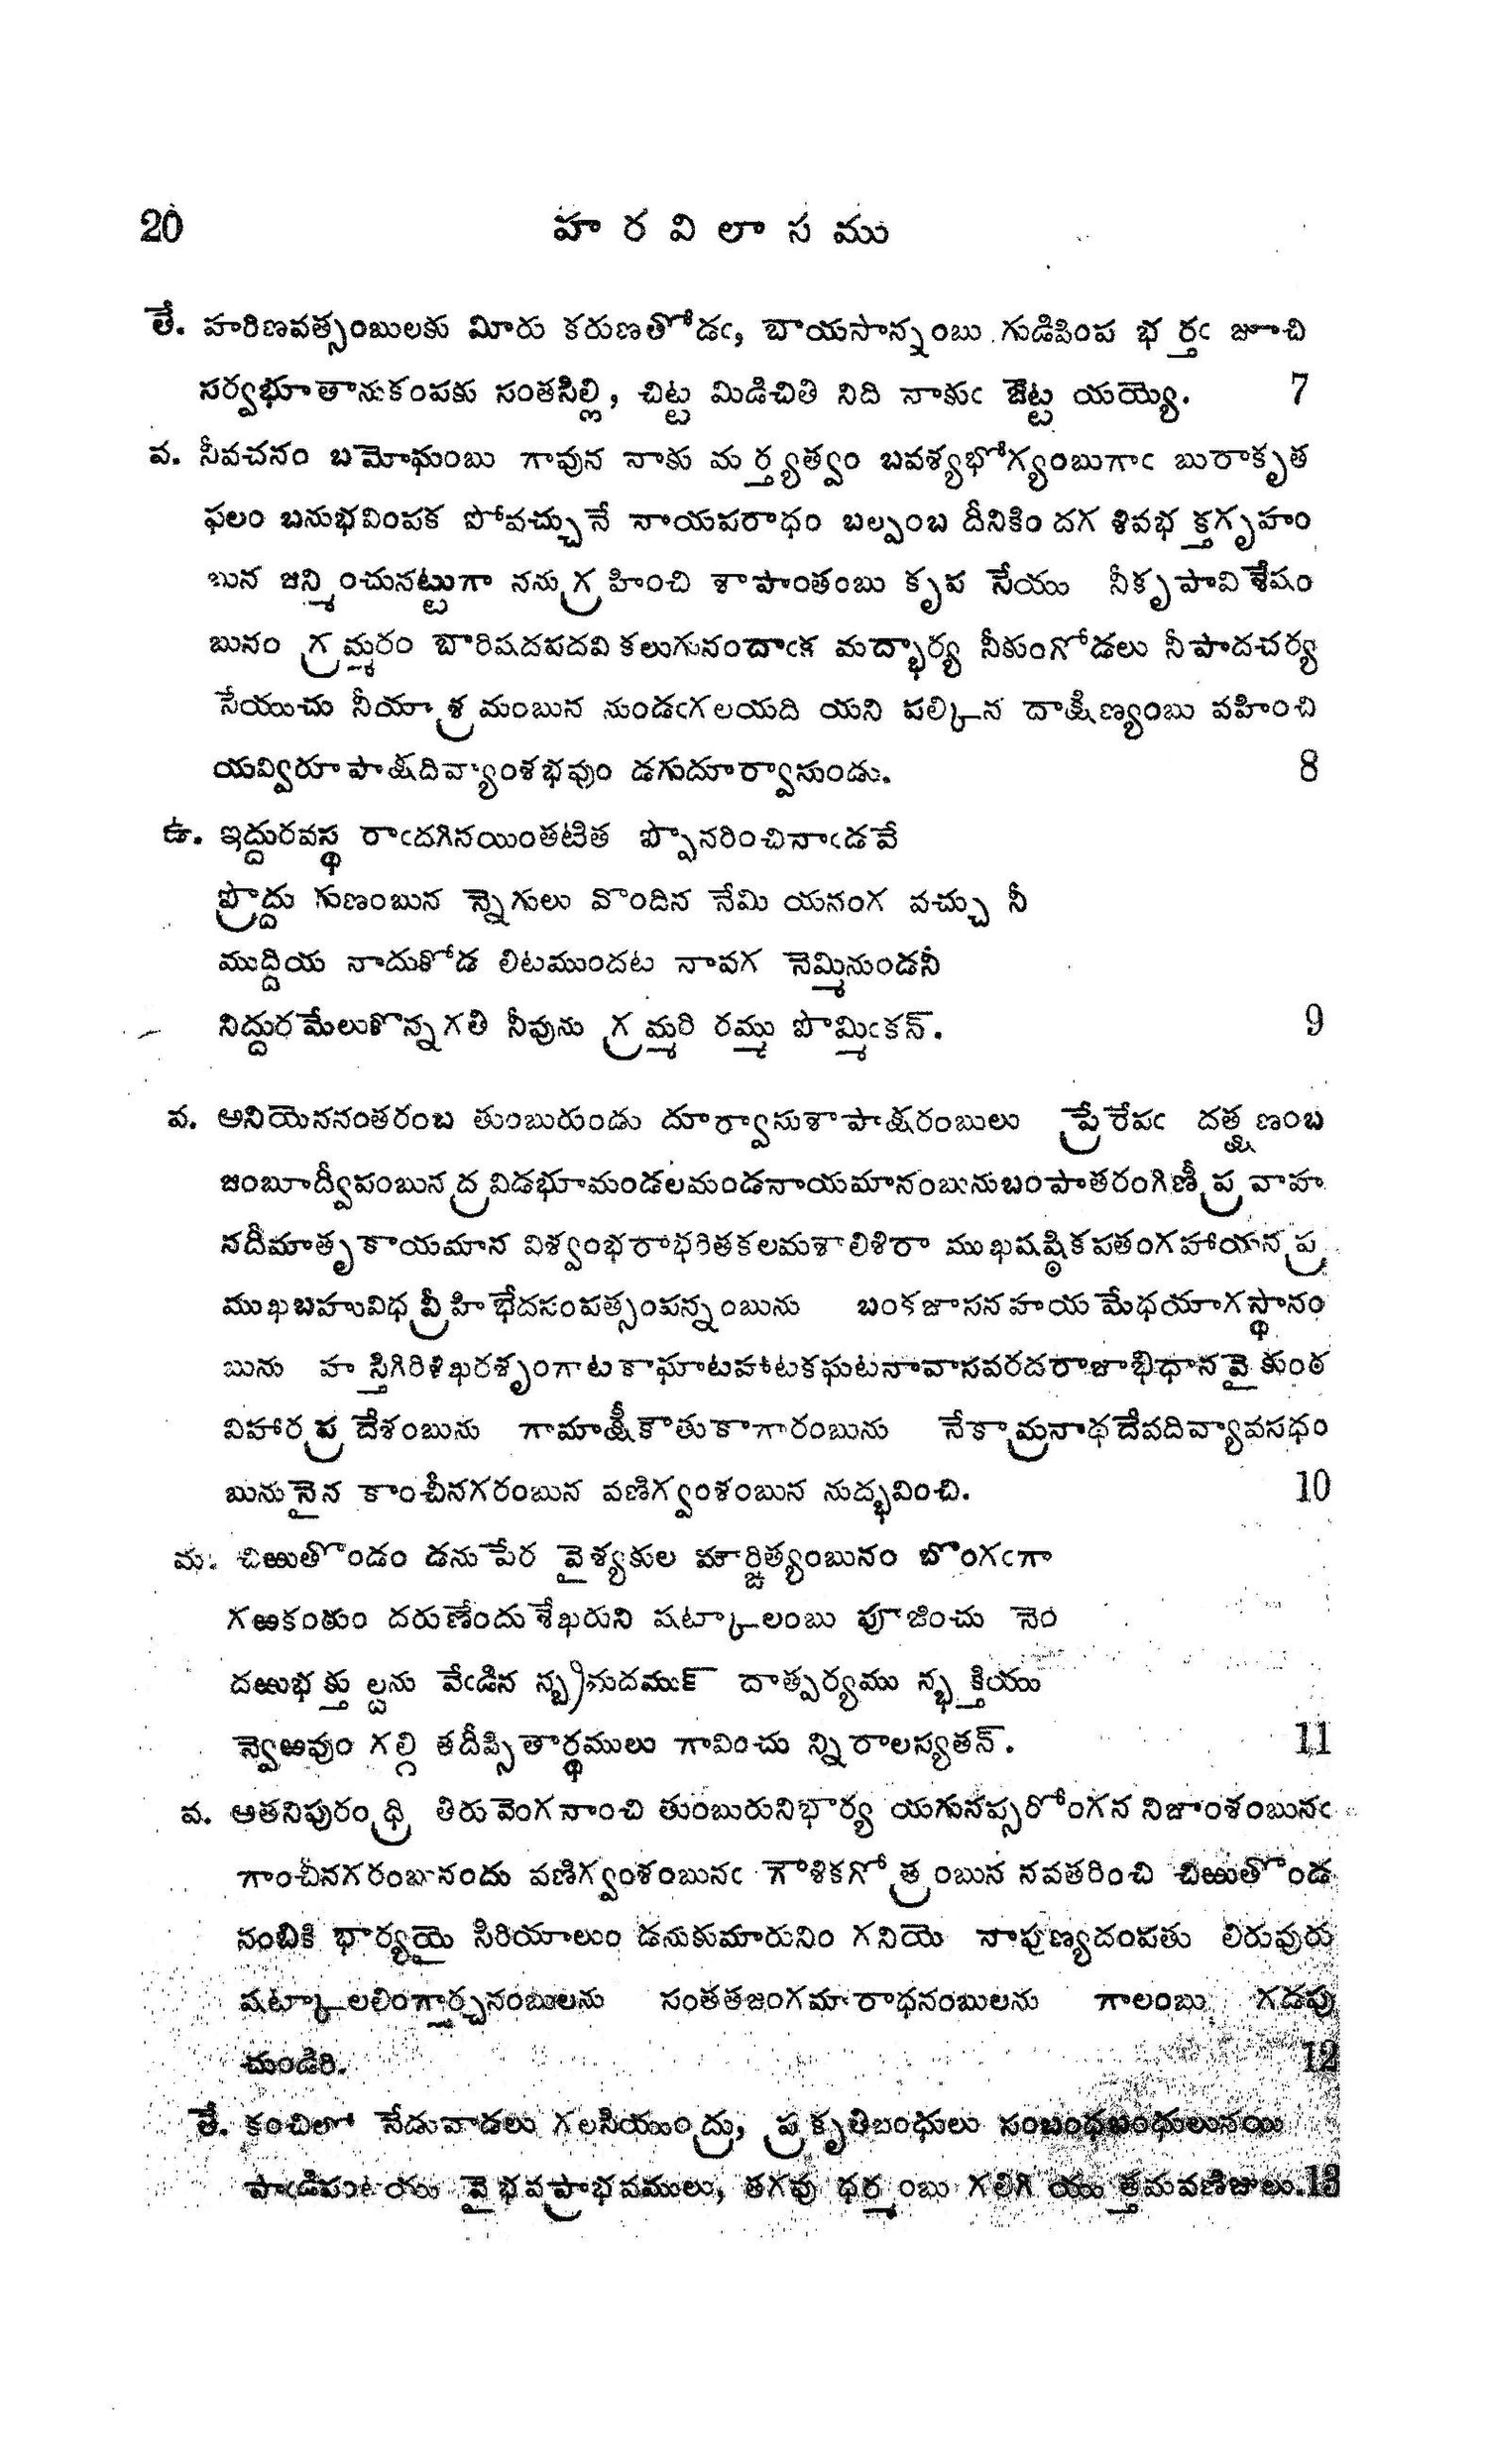తే. హరిణవత్సంబులకు మీరు కరుణతోడఁ
బాయసాన్నంబు గుడిపింప భర్తఁ జూచి
సర్వభూతానుకంపకు సంతసిల్లి
చిట్ట మిడిచితి నిది నాకుఁ జెట్ట యయ్యె. 7

వ. నీవచనం బమోఘంబు గావున నాకు మర్త్యత్వం బవశ్యభోగ్యంబుగాఁ బురాకృతఫలం బనుభవింపక పోవచ్చునే నాయపరాధం బల్పంబ దీనికిం దగ శివభక్తగృహంబున జన్మించునట్టుగా ననుగ్రహించి శాపాంతంబు కృప సేయు నీకృపావిశేషంబునం గ్రమ్మరం బారిషపదవి కలుగునందాఁక మద్భార్య నీకుం గోడలు నీపాదచర్య సేయుచు నీయాశ్రమంబున నుండఁగలయది యని పల్కిన దాక్షిణ్యంబు వహించి యవ్విరూపాక్షదివ్యాంశభవుండగు దూర్వాసుండు. 8

ఉ. ఇద్దురవస్థ రాఁదగిన యింతటిత ప్పొనరించినాఁడ వే
ప్రొద్దుగుణంబున న్నెగులు వొందిన నేమి యనంగవచ్చు నీ
ముద్దియ నాదకోడ లిటముందట నావగ నెమ్మినుండ నీ
నిద్దుర మేలుకొన్నగతి నీవును గ్రమ్మరి రమ్ము పొమ్మిఁకన్. 9

వ. అనియె ననంతరంబ తుంబురుండు దూర్వాసశాపాక్షరంబులు ప్రేరేపఁ దత్క్షణంబ జంబూద్వీపంబున ద్రవిడభూమండలమండనాయమానంబును బంపాతరంగిణీప్రవాహనదీమాతృకాయమాన విశ్వంభరాభరితకలమశాలిశిరా ముఖషష్ఠికపతంగహాయనప్రముఖబహువిధవ్రీహిభేదసంపత్సంపన్నంబును బంకజాసనహయమేధయాగస్థానంబును హస్తిగిరిశిఖరశృంగాటకాఘాటగాటకఘటనావాసవరదరాజాభిధానవైకుంఠవిహారప్రదేశంబును గామాక్షీకౌతుకాగారంబును నేకామ్రనాథదేవదివ్యావసధంబునునైన కాంచీనగరంబున పణిగ్వంశంబున నుద్భవించి. 10

మ. చిఱుతొండండను పేర వైశ్యకుల మౌర్జిత్యంబునం బొంగఁగా
గఱకంఠుం దరుణేందుశేఖరుని షట్కాలంబు పూజించు నెం
దఱుభక్తు ల్దను వేఁడిన న్ప్రమదమున్ దాత్పర్యము న్భక్తియు
న్వెఱవుం గల్గి తదీప్సితార్థములు గావించు న్నిరాలస్యతన్. 11

వ. అతనిపురంధ్రి తిరువెంగనాంచి తుంబురునిభార్యయగు నప్సరోంగన నిజాంశంబునఁ గాంచీనగరంబునందు పణిగ్వంశంబునఁ గౌశికగోత్రంబున నవతరించి చిఱుతొండనంబికి భార్యయై సిరియాలుండను కుమారునిం గనియె నాపుణ్యదంపతు లిరువురు షట్కాలలింగార్చనంబులను సంతతజంగమారాధనంబులను గాలంబు గడపుచుండిరి. 12

తే. కంచిలో నేడువాడలు గలసియుంద్రు
ప్రకృతిబంధులు సంబంధబంధులునయి
పాఁడిపంటయు వైభవప్రాభవములు
తగవు ధర్మంబు గలిగి యుత్తమవణిజులు. 13